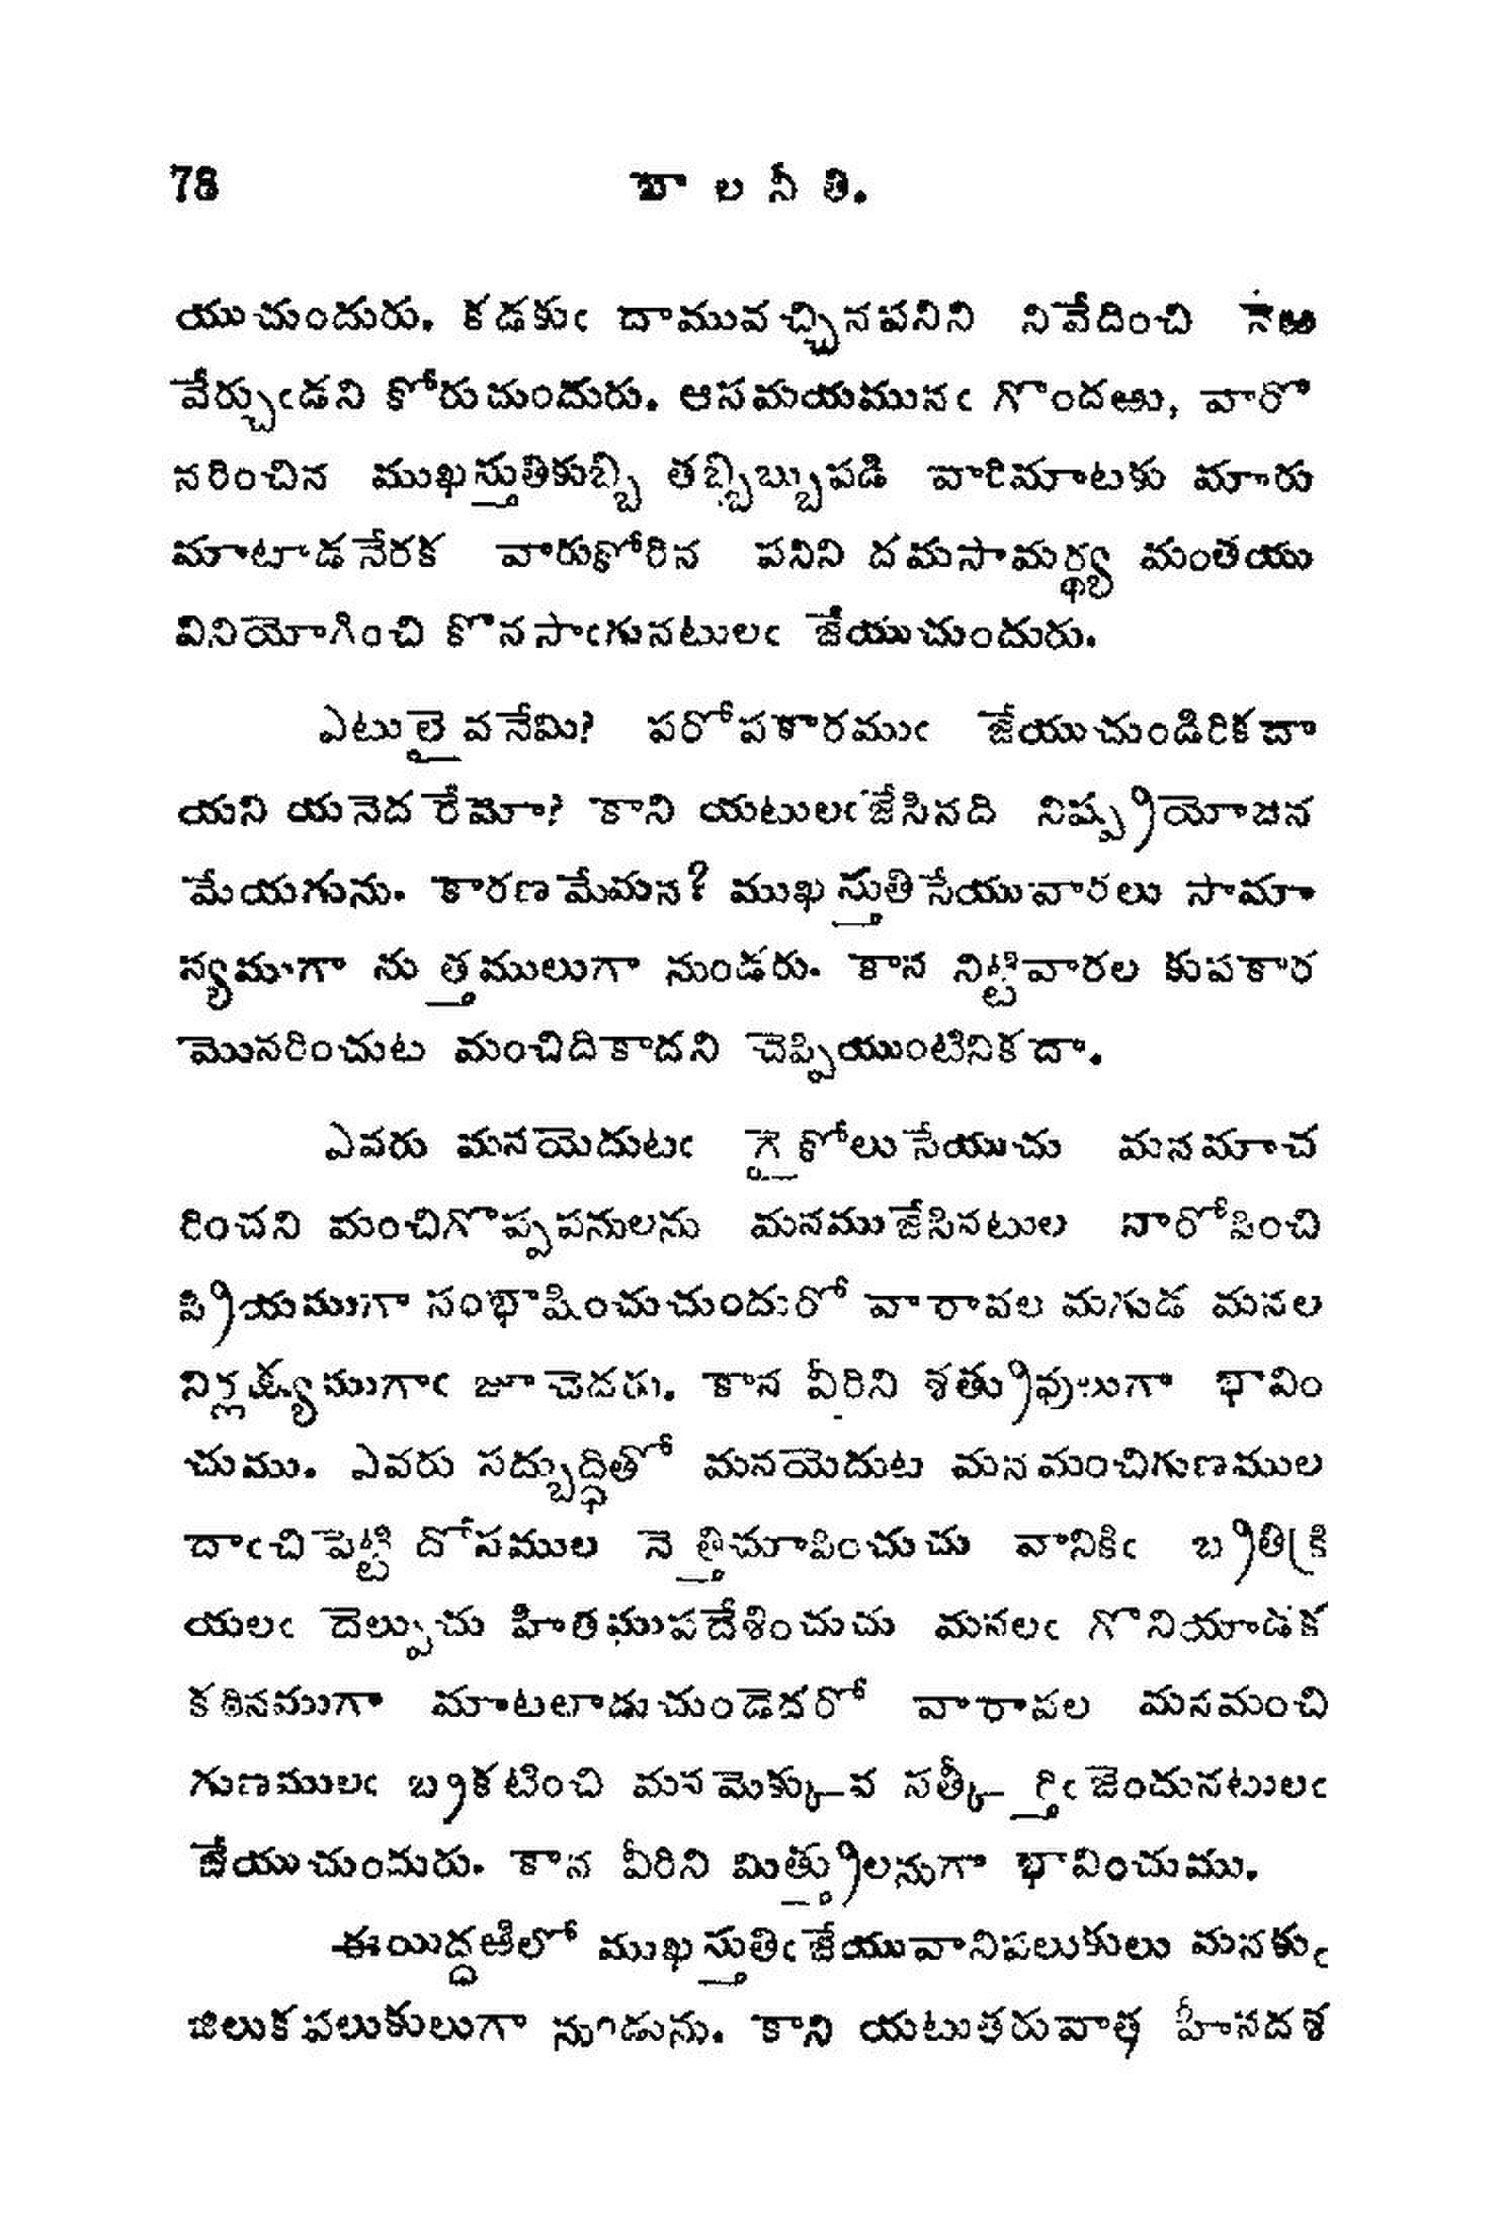యు చుందురు. కడకుఁ దామువచ్చినపనిని నివేదించి నెఱ
వేర్చుఁడని కోరుచుందురు. ఆసమయమునఁ గొందఱు, వారొ
నరించిన ముఖస్తుతికుబ్బి తబ్బిబ్బుపడి వారిమాటకు మారు
మాటాడనేరక వారుకోరిన పనిని దమసామర్థ్య మంతయు 
వినియోగించి కొనసాఁగునటులఁ జేయుచుందురు.

ఎటులైననేమి? పరోపకారముఁ జేయుచుండిరికదా 
యని యనెదరేమో? కాని యటులఁజేసినది నిష్ప్రయోజన
మేయగును. కారణమేమన? ముఖస్తుతిసేయువారలు సామా
న్యముగా నుత్తములుగా నుండరు. కాన నిట్టివారల కుపకార
మొనరించుట మంచిదికాదని చెప్పియుంటినికదా.

ఎవరు మనయెదుటఁ గైకోలుసేయుచు మనమాచ
రించని మంచిగొప్పపనులను మనముజేసినటుల నారోపించి 
ప్రియముగా సంభాషించుచుందురో వారావల మగుడ మనల 
నిర్లక్ష్యముగాఁ జూచెదరు. కాన వీరిని శత్రువులుగా భావిం
చుము. ఎవరు సద్బుద్ధితో మనయెదుట మనమంచిగుణముల
దాఁచిపెట్టి దోసముల నెత్తిచూపించుచు వానికిఁ బ్రతిక్రి
యలఁ దెల్పుచు హితముపదేశించుచు మనలఁ గొనియాడక 
కఠినముగా మాటలాడుచుండెదరో వారావల మనమంచి
గుణములఁ బ్రకటించి మనమెక్కువ సత్కీర్తిఁజెందునటులఁ 
జేయుచుందురు. కాన వీరిని మిత్త్రులనుగా భావించుము.

ఈయిద్దఱిలో ముఖస్తుతిఁజేయువానిపలుకులు మనకుఁ 
జిలుకపలుకులుగా నుండును. కాని యటుతరువాత హీనదశ